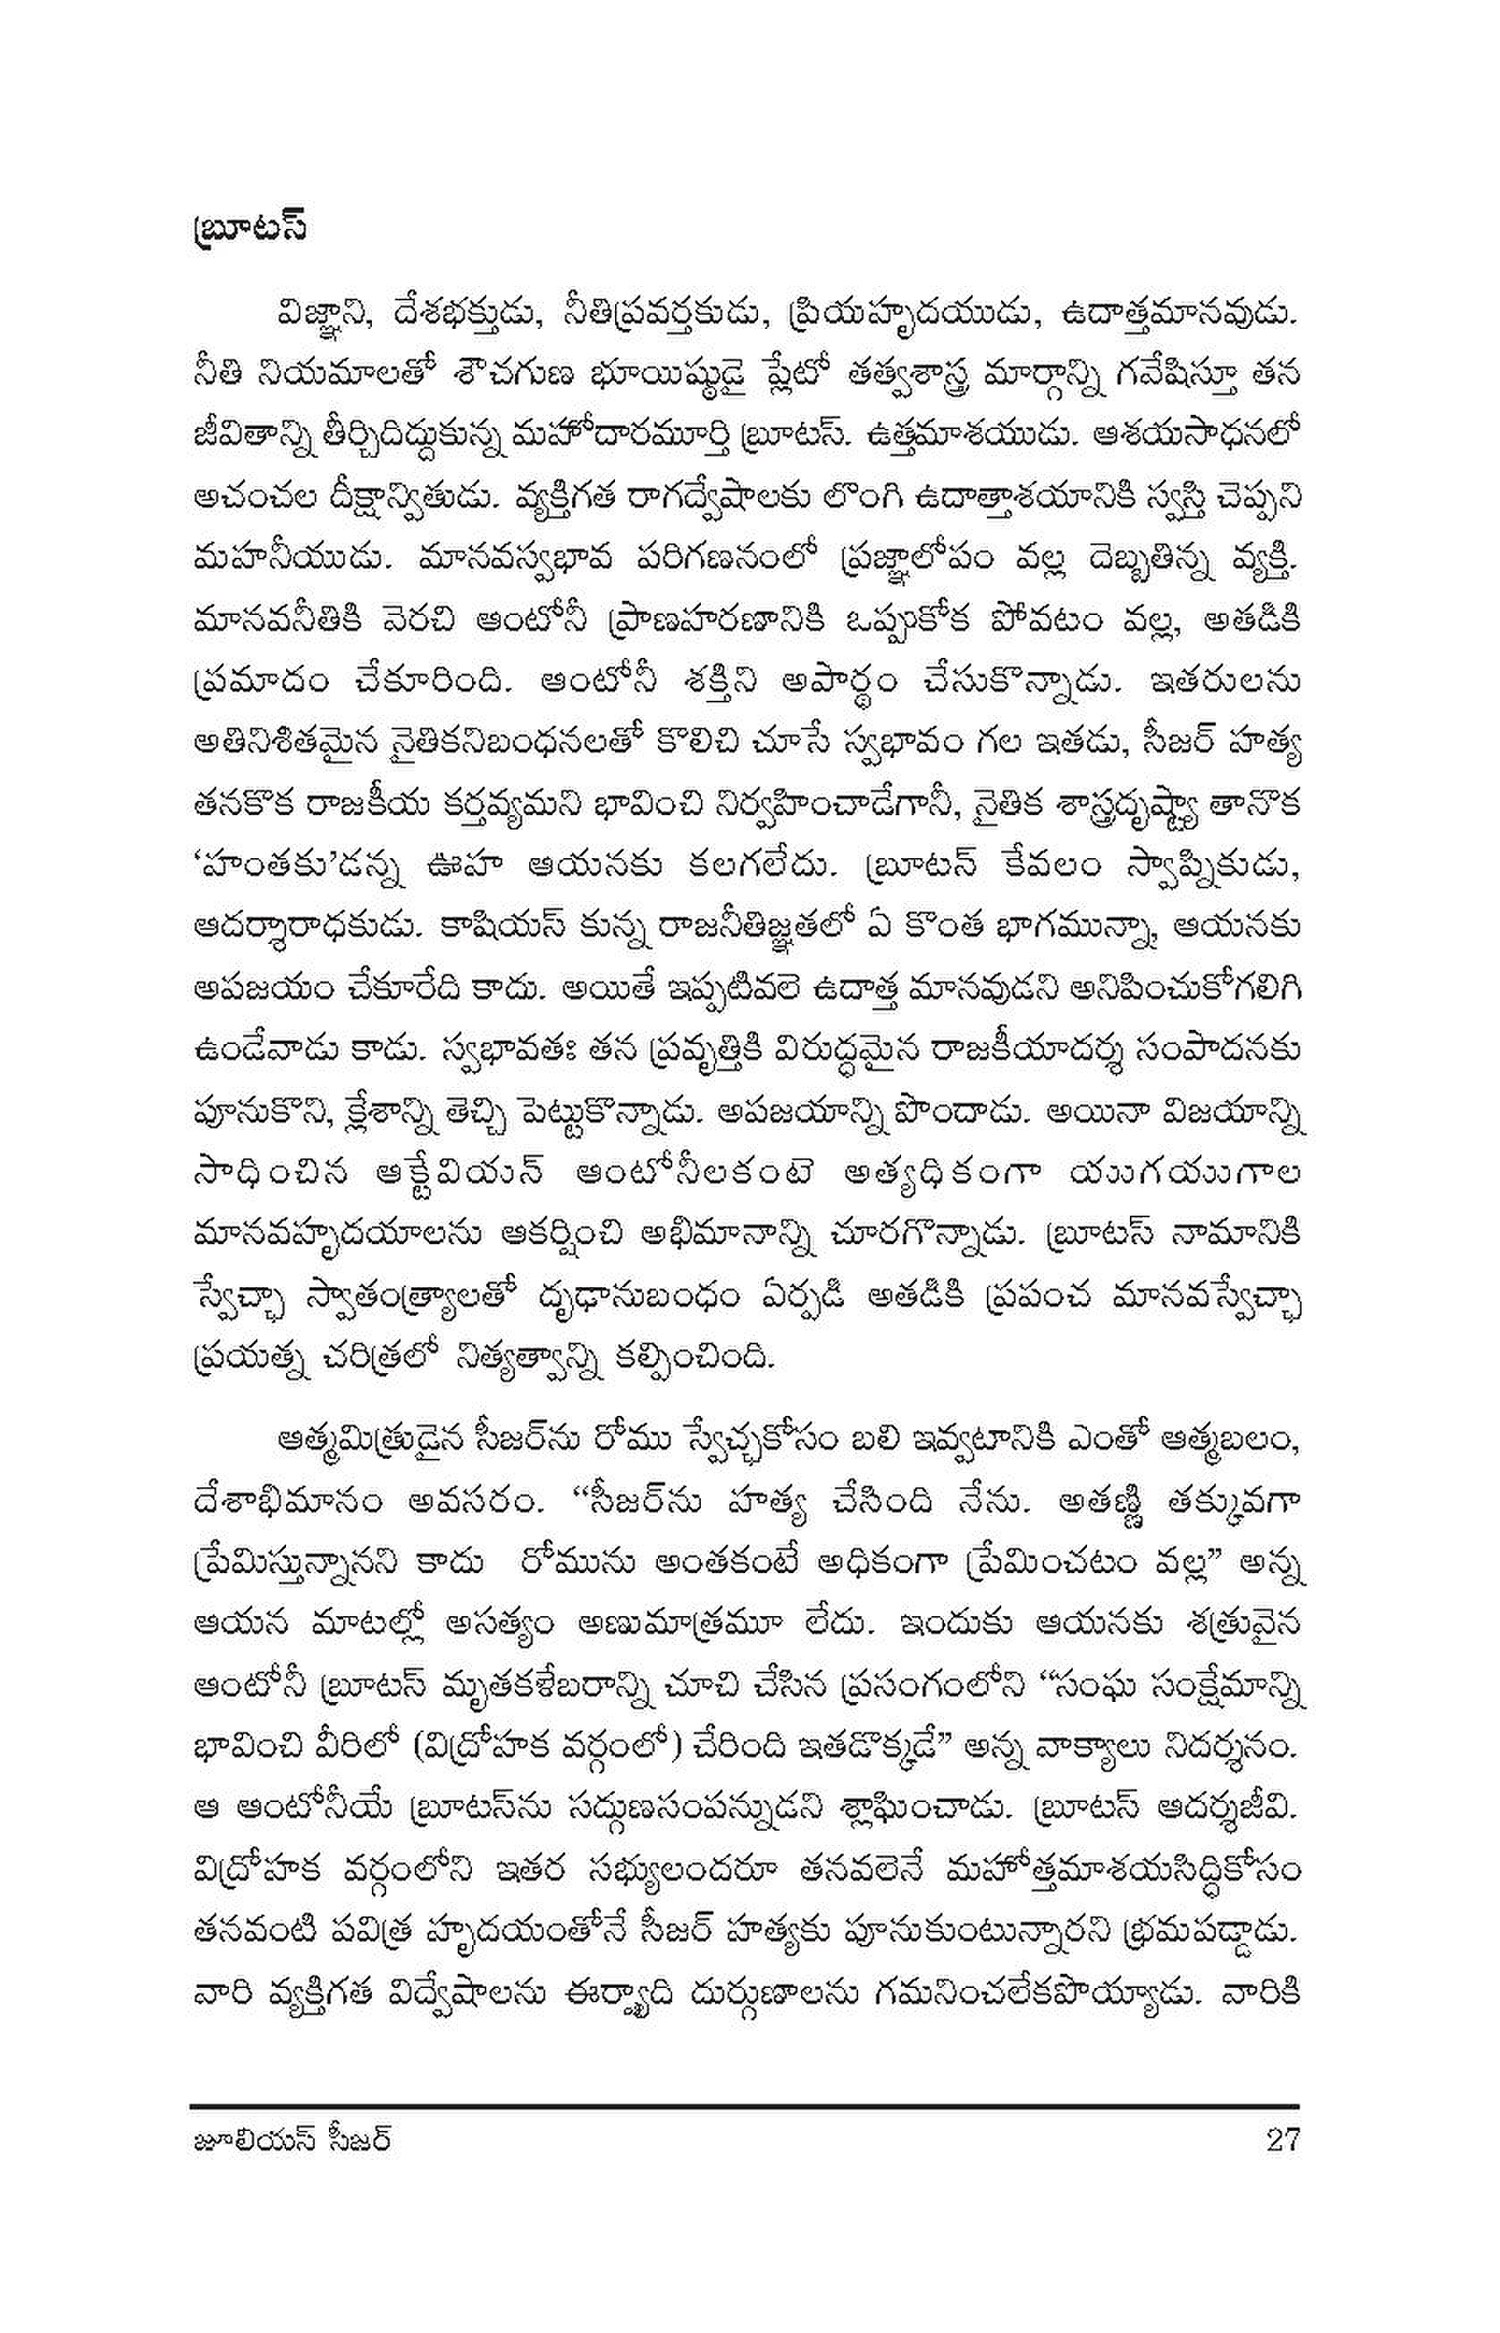విజ్ఞాని, దేశభక్తుడు, నీతిప్రవర్తకుడు, ప్రియహృదయుడు, ఉదాత్తమానవుడు. నీతి నియమాలతో శౌచగుణ భూయిష్ఠుడై ప్లేటో తత్వశాస్త్ర మార్గాన్ని గవేషిస్తూ తన జీవితాన్ని తీర్చిదిద్దుకున్న మహోదారమూర్తి బ్రూటస్. ఉత్తమాశయుడు. ఆశయ సాధనలో అచంచల దీక్షాన్వితుడు. వ్యక్తిగత రాగద్వేషాలకు లొంగి ఉదాత్తాశయానికి స్వస్తి చెప్పని మహనీయుడు. మానవ స్వభావ పరిగణనంలో ప్రజ్ఞాలోపం వల్ల దెబ్బతిన్న వ్యక్తి. మానవనీతికి వెరచి ఆంటోనీ ప్రాణహరణానికి ఒప్పుకోక పోవటం వల్ల, అతడికి ప్రమాదం చేకూరింది. ఆంటోనీ శక్తిని అపార్థం చేసుకొన్నాడు. ఇతరులను అతినిశితమైన నైతికనిబంధనలతో కొలిచి చూసే స్వభావం గల ఇతడు, సీజర్ హత్య తనకొక రాజకీయ కర్తవ్యమని భావించి నిర్వహించాడేగానీ, నైతిక శాస్త్ర దృష్ట్యా తానొక 'హంతకు'డన్న ఊహ ఆయనకు కలగలేదు. బ్రూటన్ కేవలం స్వాప్నికుడు, ఆదర్శారాధకుడు. కాషియస్ కున్న రాజనీతిజ్ఞతలో ఏ కొంత భాగమున్నా, ఆయనకు అపజయం చేకూరేది కాదు. అయితే ఇప్పటివలె ఉదాత్త మానవు డని అనిపించుకోగలిగి ఉండేవాడు కాడు. స్వభావతః తన ప్రవృత్తికి విరుద్ధమైన రాజకీయాదర్శ సంపాదనకు పూనుకొని, క్లేశాన్ని తెచ్చి పెట్టుకొన్నాడు. అపజయాన్ని పొందాడు. అయినా విజయాన్ని సాధించిన ఆక్టేవియన్ ఆంటోనీల కంటె అత్యధికంగా యుగయుగాల మానవహృదయాలను ఆకర్షించి అభిమానాన్ని చూరగొన్నాడు. బ్రూటస్ నామానికి స్వేచ్ఛా స్వాతంత్య్రాలతో దృఢానుబంధం ఏర్పడి అతడికి ప్రపంచ మానవస్వేచ్ఛా ప్రయత్న చరిత్రలో నిత్యత్వాన్ని కల్పించింది.

ఆత్మమిత్రుడైన సీజర్ను రోము స్వేచ్ఛకోసం బలి ఇవ్వటానికి ఎంతో ఆత్మబలం, దేశాభిమానం అవసరం. "సీజర్ను హత్య చేసింది నేను. అతణ్ణి తక్కువగా ప్రేమిస్తున్నానని కాదు రోమును అంతకంటే అధికంగా ప్రేమించటం వల్ల" అన్న
ఆయన మాటల్లో అసత్యం అణుమాత్రమూ లేదు. ఇందుకు ఆయనకు శత్రువైన ఆంటోనీ బ్రూటస్ మృతకళేబరాన్ని చూచి చేసిన ప్రసంగంలోని "సంఘ సంక్షేమాన్ని భావించి వీరిలో (విద్రోహక వర్గంలో) చేరింది ఇతడొక్కడే” అన్న వాక్యాలు నిదర్శనం. ఆ ఆంటోనీయే బ్రూటస్ ను సద్గుణసంపన్నుడని శ్లాఘించాడు. బ్రూటస్ ఆదర్శజీవి. విద్రోహక వర్గంలోని ఇతర సభ్యులందరూ తనవలెనే మహోత్తమాశయసిద్ధికోసం తనవంటి పవిత్ర హృదయంతోనే సీజర్ హత్యకు పూనుకుంటున్నారని భ్రమపడ్డాడు. వారి వ్యక్తిగత విద్వేషాలను ఈర్ష్యాది దుర్గుణాలను గమనించలేకపొయ్యాడు. వారికి